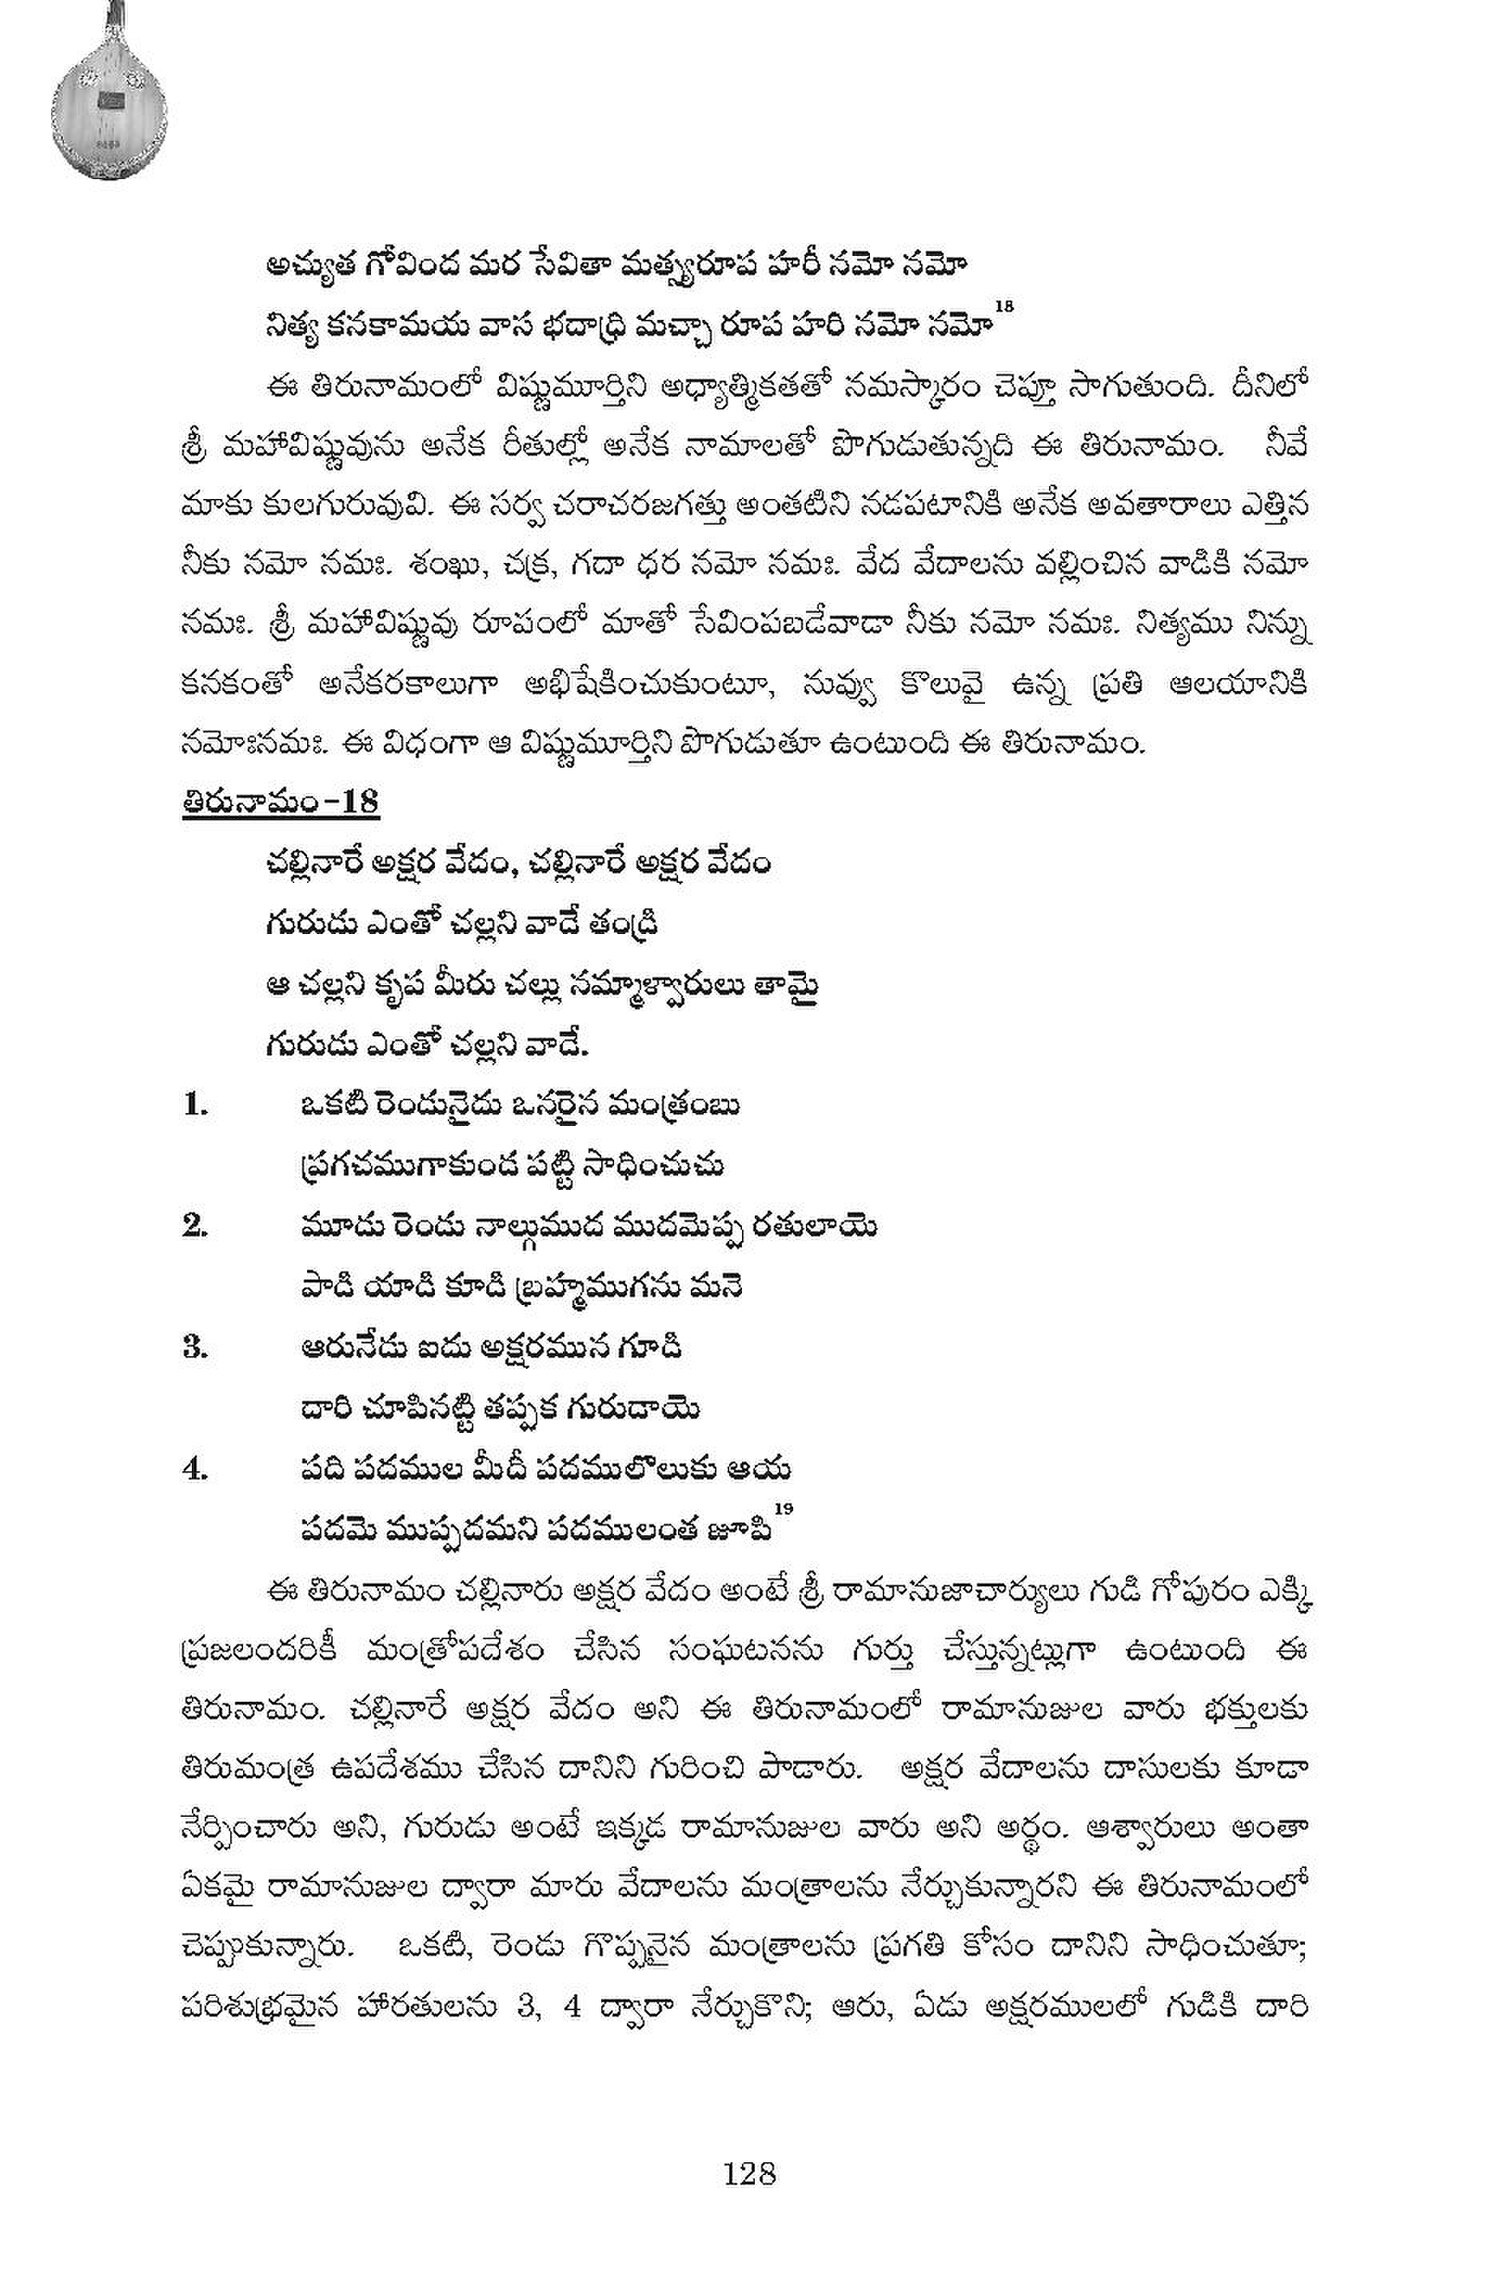అచ్యుత గోవింద మర సేవితా మత్స్యరూప హరీ నమో నమో
నిత్య కనకామయ వాస భదాద్రి మచ్చా రూప హరి నమో నమో18

ఈ తిరునామంలో విష్ణుమూర్తిని అధ్యాత్మికతతో నమస్కారం చెప్తూ సాగుతుంది. దీనిలో శ్రీ మహావిష్ణువును అనేక రీతుల్లో అనేక నామాలతో పొగుడుతున్నది ఈ తిరునామం. నీవే మాకు కులగురువువి. ఈ సర్వ చరాచరజగత్తు అంతటిని నడపటానికి అనేక అవతారాలు ఎత్తిన నీకు నమో నమః. శంఖు, చక్ర, గదా ధర నమో నమః. వేద వేదాలను వల్లించిన వాడికి నమో నమః. శ్రీ మహావిష్ణువు రూపంలో మాతో సేవింపబడేవాడా నీకు నమో నమః. నిత్యము నిన్ను కనకంతో అనేకరకాలుగా అభిషేకించుకుంటూ, నువ్వు కొలువై ఉన్న ప్రతి ఆలయానికి నమోఃనమః. ఈ విధంగా ఆ విష్ణుమూర్తిని పొగుడుతూ ఉంటుంది ఈ తిరునామం.

తిరునామం -18

చల్లినారే అక్షర వేదం, చల్లినారే అక్షర వేదం
గురుడు ఎంతో చల్లని వాడే తండ్రి
ఆ చల్లని కృప మీరు చల్లు నమ్మాళ్వారులు తామై
గురుడు ఎంతో చల్లని వాడే.

1. ఒకటి రెండునైదు ఒనరైన మంత్రంబు
ప్రగచముగాకుండ పట్టి సాధించుచు

2. మూడు రెండు నాల్గుముద ముదమెప్ప రతులాయె
పాడి యాడి కూడి బ్రహ్మముగను మనె

3. ఆరునేదు ఐదు అక్షరమున గూడి
దారి చూపినట్టి తప్పక గురుదాయె

4. పది పదముల మీదీ పదములొలుకు ఆయ
పదమె ముప్పదమని పదములంత జూపి19

ఈ తిరునామం చల్లినారు అక్షర వేదం అంటే శ్రీ రామానుజాచార్యులు గుడి గోపురం ఎక్కి ప్రజలందరికీ మంత్రోపదేశం చేసిన సంఘటనను గుర్తు చేస్తున్నట్లుగా ఉంటుంది ఈ తిరునామం. చల్లినారే అక్షర వేదం అని ఈ తిరునామంలో రామానుజుల వారు భక్తులకు తిరుమంత్ర ఉపదేశము చేసిన దానిని గురించి పాడారు. అక్షర వేదాలను దాసులకు కూడా
నేర్పించారు అని, గురుడు అంటే ఇక్కడ రామానుజుల వారు అని అర్థం. ఆశ్వారులు అంతా ఏకమై రామానుజుల ద్వారా మారు వేదాలను మంత్రాలను నేర్చుకున్నారని ఈ తిరునామంలో చెప్పుకున్నారు. ఒకటి, రెండు గొప్పనైన మంత్రాలను ప్రగతి కోసం దానిని సాధించుతూ; పరిశుభ్రమైన హారతులను 3, 4 ద్వారా నేర్చుకొని; ఆరు, ఏడు అక్షరములలో గుడికి దారి